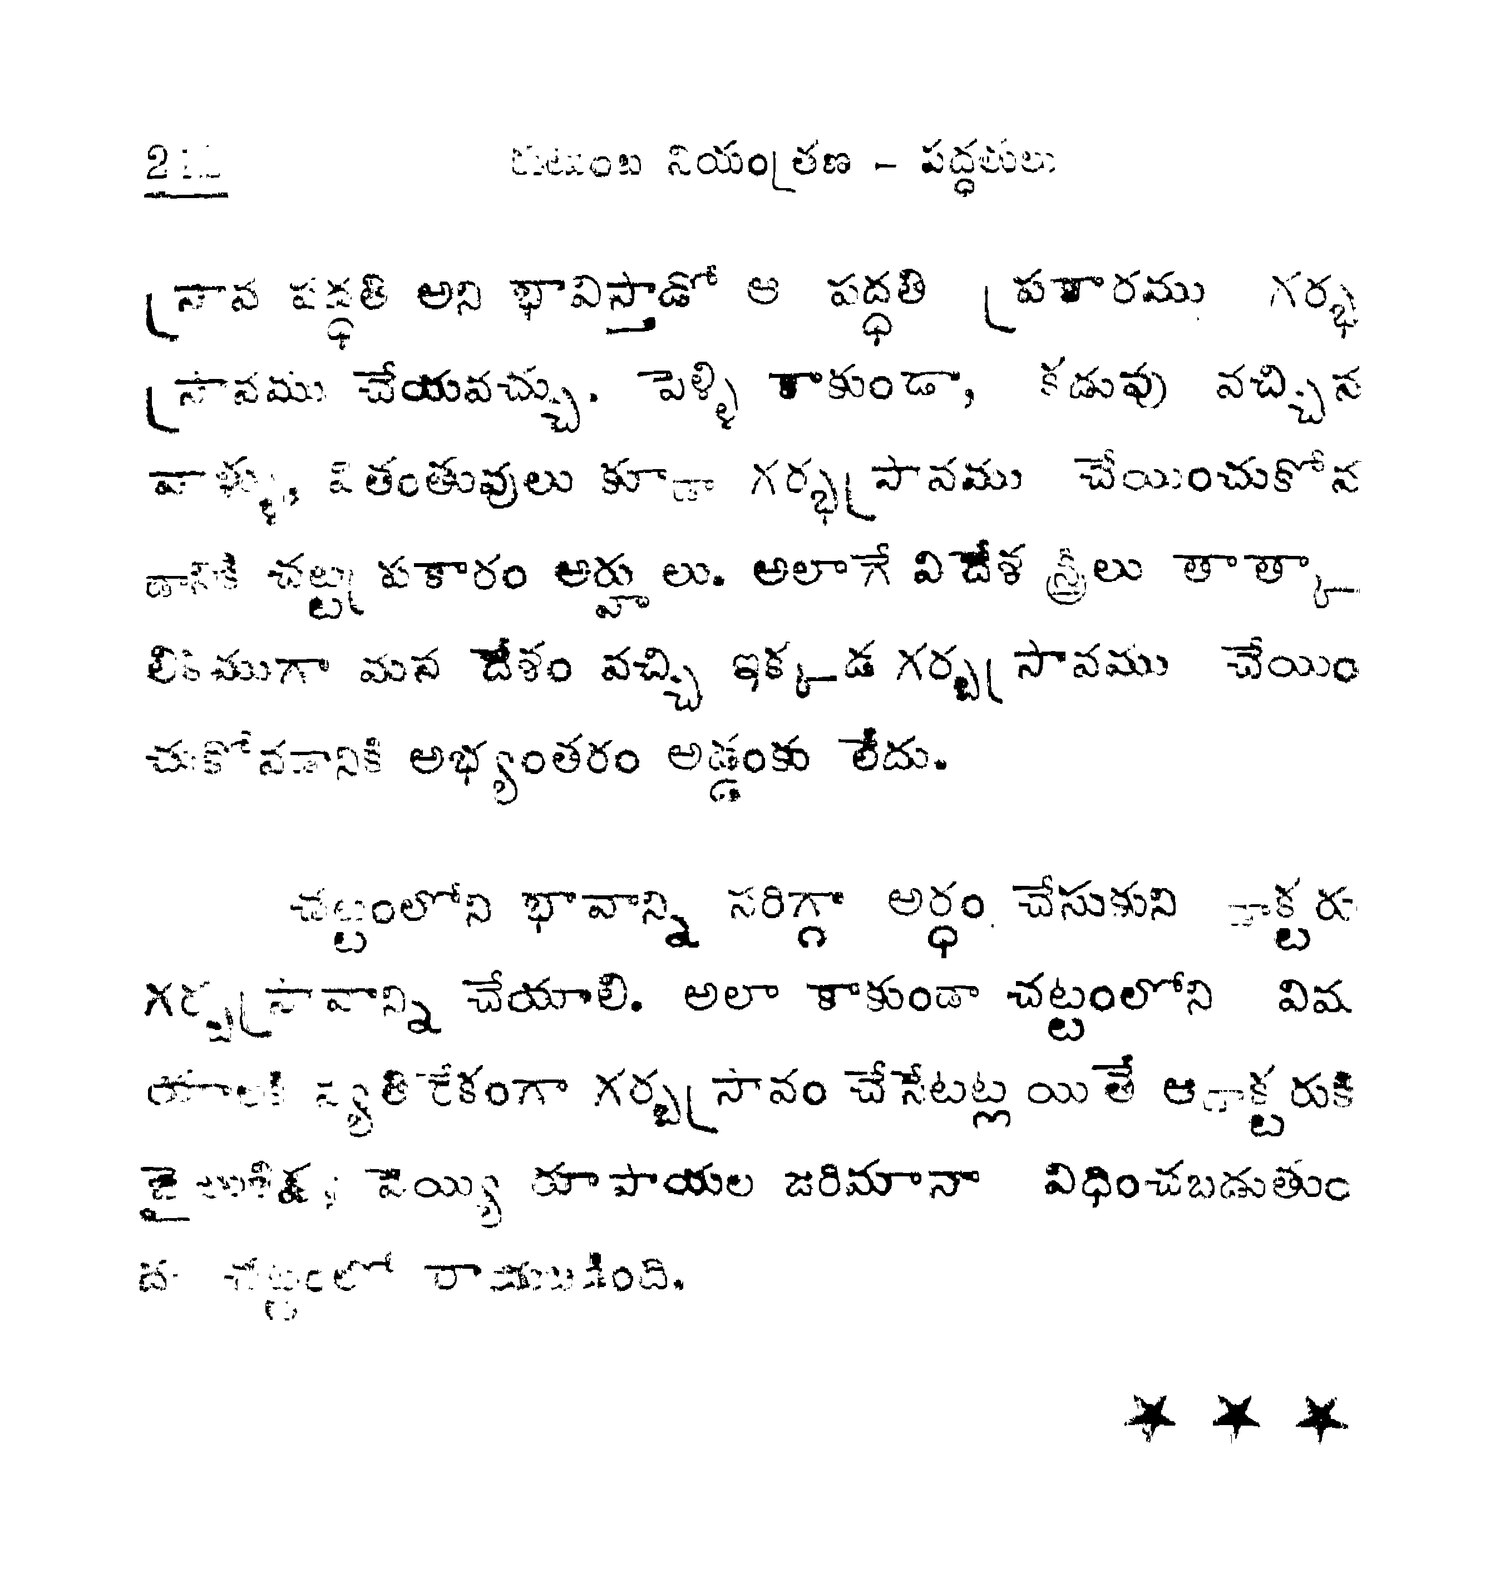స్రావ పద్దతి అని భావిస్తాడో ఆ పద్దతి ప్రకారము గర్భస్రావము చేయవచ్చు. పెళ్ళి కాకుండా, కడుపు వచ్చిన వాళ్ళు, వితంతువులు కూడా గర్భస్రావము చేయించుకోవడానికి చట్టప్రకారం అర్హులు. అలాగే విదేశ స్త్రీలు తాత్కాలికముగా మనదేశం వచ్చి ఇక్కడ స్రావము చేయించుకోవడానికి అభ్యంతరం అడ్డంకు లేదు.

చట్టంలోని భావాన్ని సరిగ్గా అర్ధం చేసుకుని డాక్టరు గర్భస్రావాన్ని చేయాలి. అలా కాకుండా చట్టంలోని విషయాలకి వ్యతిరేకంగా గర్భస్రావం చేసేటట్లయితే ఆ డాక్టరుకి జైలుశిక్ష, వెయ్యి రూపాయల జరిమానా విధించబడుతుందని చట్టంలో రాయబడింది.

* * *